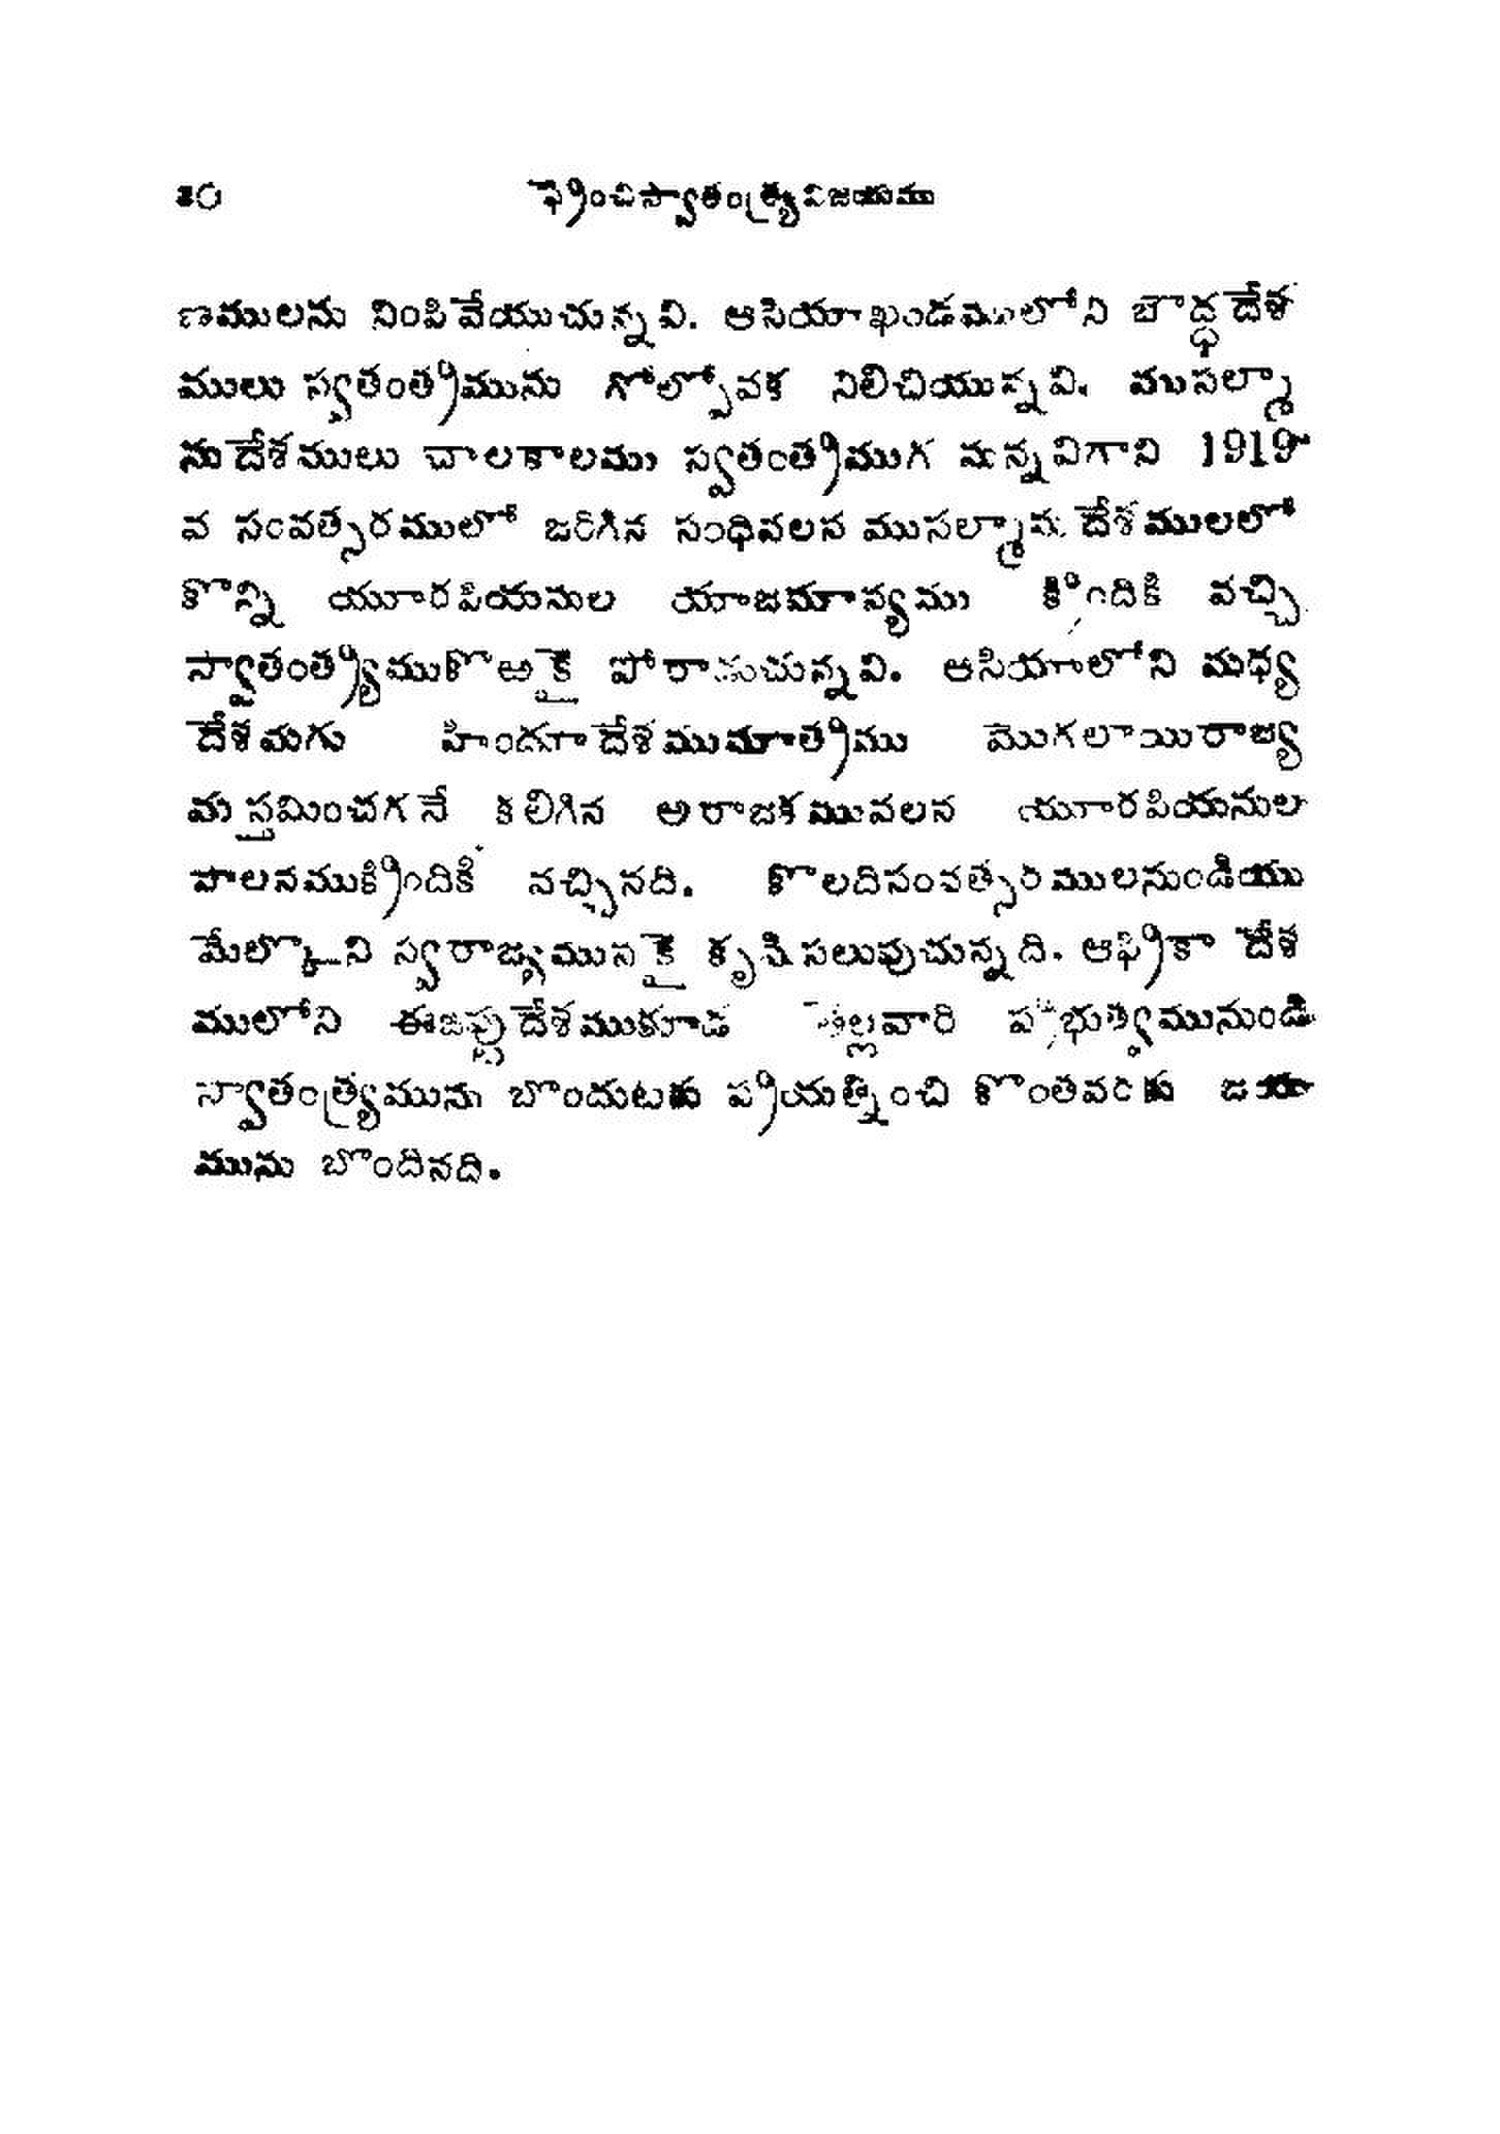ణములను నింపి వేయుచున్నవి. ఆసియా ఖండములోని బౌద్ధ దేశ
ములు స్వతంత్రమును గోల్పోవక నిలిచి యున్నవి. ముసల్మా
సుదేశములు చాలకాలము స్వతంత్రముగ వున్న విగాని 1919
వ సంవత్సరములో జరిగిన సంధివలన ముసల్మాను. దేశములలో
కొన్ని యూరపియసుల యాజమాన్యము కిందికి వచ్చి.
స్వాతంత్ర్యము కొఱకై పోరాడు చున్నవి. ఆసియాలోని మధ్య
దేశమగు హిందూ దేశ ము మాత్రము మొగలాయిరాజ్య
మస్తమించగనే కలిగిన అరాజకమువలన యూరపియనుల
పాలనము క్రిందికి వచ్చినది. కొలదినంవత్సర ములనుండియు
మేల్కొని స్వరాజ్యమునకై కృషి సలుపుచున్న ది. ఆఫ్రికా దేశ
ములోని ఈజిప్టు దేశము కూడ తెల్లవారి ప్రభుత్వమునుండి
స్వాతంత్ర్యమును బొందుటకు ప్రయత్నించి కొంతవరకు
జయమును బొందినది.